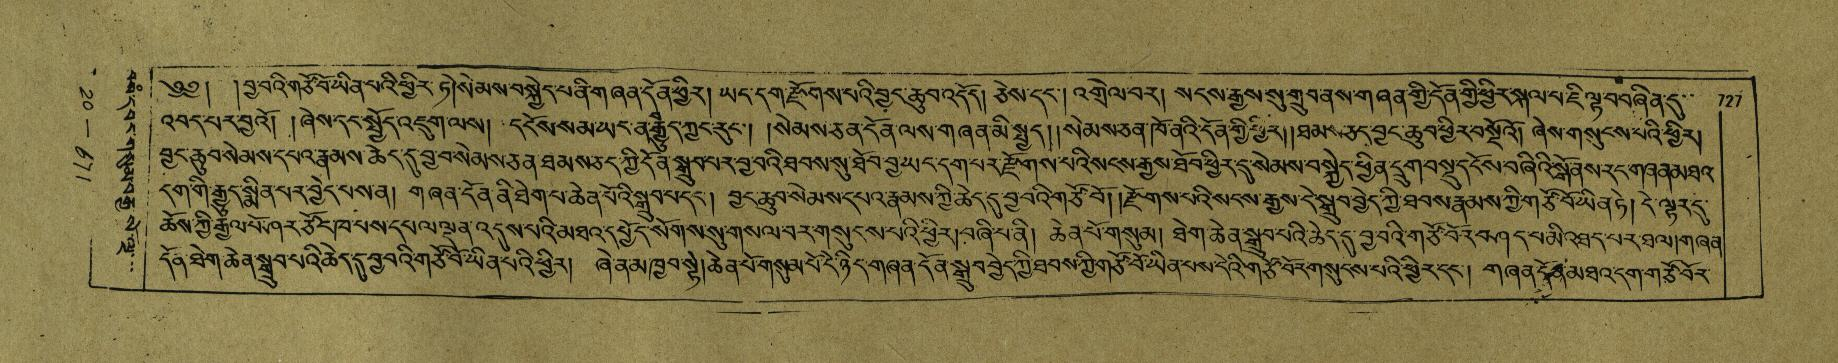༄༅། །བྱ་བའི་གཙོ་བོ་ཡིན་པའི་ཕྱིར་ཏེ། སེམས་བསྐྱེད་པ་ནི་གཞན་དོན་ཕྱིར། ཡང་དག་རྫོགས་པའི་བྱང་ཆུབ་འདོད། ཅེས་དང་། འགྲེལ་བར། སངས་རྒྱས་སུ་གྲུབ་ནས་གཞན་གྱི་དོན་གྱི་ཕྱིར་སྐལ་པ་ཇི་ལྟ་བ་བཞིན་དུ་
འབད་པར་བྱའོ། །ཞེས་དང་སྤྱོད་འཇུག་ལས། དངོས་སམ་ཡང་ན་རྒྱུད་ཀྱང་རུང་། །སེམས་ཅན་དོན་ལས་གཞན་མི་སྤྱད། །སེམས་ཅན་ཁོ་ནའི་དོན་གྱི་ཕྱིར། །ཐམས་ཅད་བྱང་ཆུབ་ཕྱིར་བསྔོའོ། ཞེས་གསུངས་པའི་ཕྱིར།
བྱང་ཆུབ་སེམས་དཔའ་རྣམས་ཆེད་དུ་བྱ་བ་སེམས་ཅན་ཐམས་ཅད་ཀྱི་དོན་སྒྲུབ་པར་བྱ་བའི་ཐབས་སུ་ཐོབ་བྱ་ཡང་དག་པར་རྫོགས་པའི་སངས་རྒྱས་ཐོབ་ཕྱིར་དུ་སེམས་བསྐྱེད་ཕྱིར་དྲུག་བསྡུ་དངོས་བཞིའི་སྒོ་ནས་རང་གཞན་མཐའ་
དག་གི་རྒྱུད་སྨིན་པར་བྱེད་པས་ན། གཞན་དོན་ནི་ཐེག་པ་ཆེན་པོའི་སྒྲུབ་པ་དང་། བྱང་ཆུབ་སེམས་དཔའ་རྣམས་ཀྱི་ཆེད་དུ་བྱ་བའི་གཙོ་བོ། །རྫོགས་པའི་སངས་རྒྱས་དེ་སྒྲུབ་ཡོད་ཀྱི་ཐབས་རྣམས་ཀྱི་གཙོ་བོ་ཡིན་ཏེ། དེ་ལྟར་དུ་
ཆོས་ཀྱི་རྒྱལ་པོ་ཤར་ཙོང་ཁ་པས་དཔལ་ལྡན་འདུས་པའི་མཐའ་དཔྱོད་སོགས་སུ་གསལ་བར་གསུངས་པའི་ཕྱིར། བཞི་པ་ནི། ཆེན་པོ་གསུམ། ཐེག་ཆེན་སྒྲུབ་པའི་ཆེད་དུ་བྱ་བའི་གཙོ་བོར་བཤད་པ་མི་འཐད་པར་ཐལ། གཞན་
དོན་ཐེག་ཆེན་སྒྲུབ་པའི་ཆེད་དུ་བྱ་བའི་གཙོ་བོ་ཡིན་པའི་ཕྱིར། ཞེ་ན་མ་ཁྱབ་སྟེ། ཆེན་པོ་གསུམ་པོ་དེ་ཉིད་གཞན་དོན་སྒྲུབ་བྱེད་ཀྱི་ཐབས་ཀྱི་གཙོ་བོ་ཡིན་པས་དེའི་གཙོ་བོར་གསུངས་པའི་ཕྱིར་དང་། གཞན་དོན་མཐའ་དག་གཙོ་བོར་